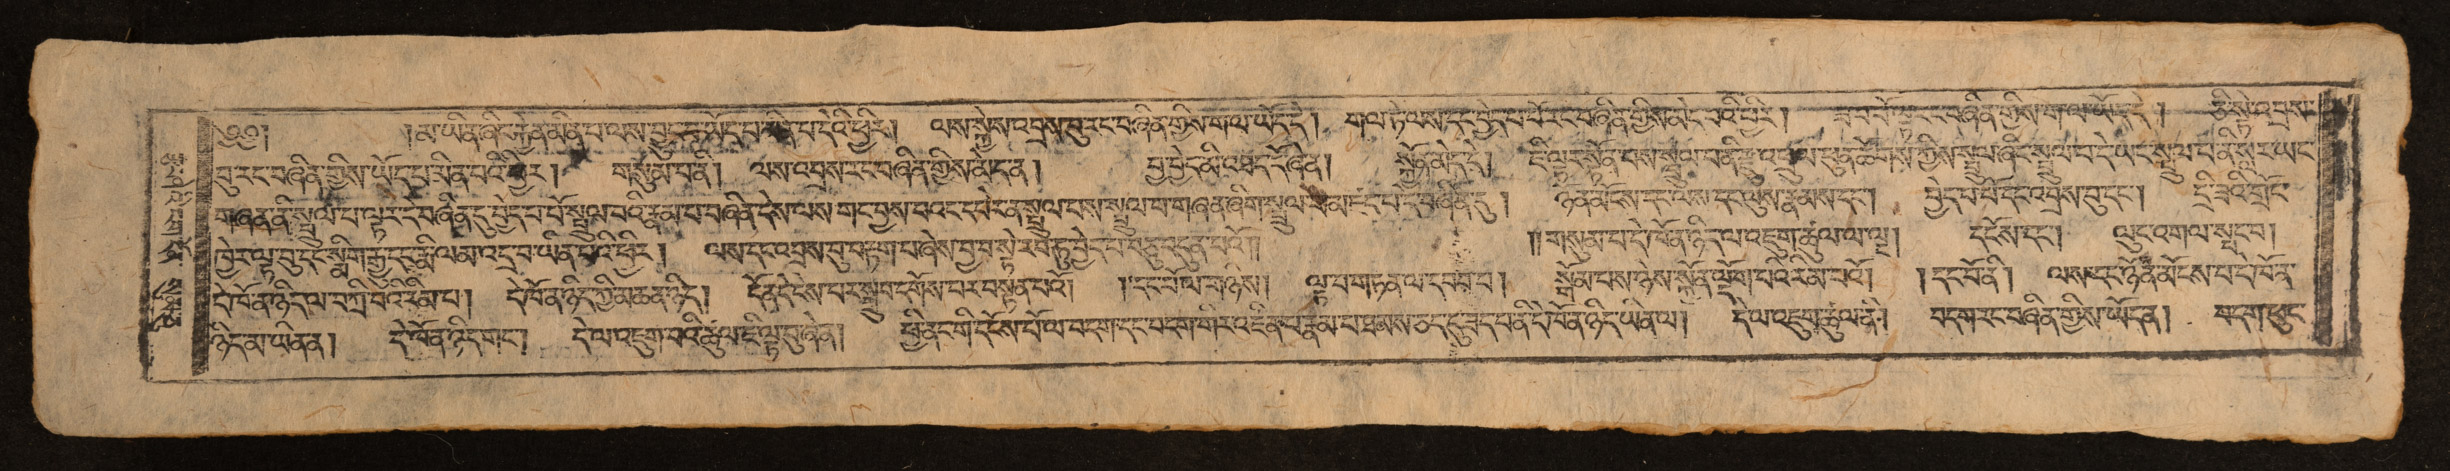༄༅། །མ་ཡིན་ཞིང་རྐྱེན་མིན་པ་ལས་བྱུང་བ་ཡོད་པ་མིན་པ་དེའི་ཕྱིར། ལས་སྐྱེས་འབྲས་བུ་རང་བཞིན་གྱིས་ག་ལ་ཡོད་དེ། གལ་ཏེ་ལས་དང་བྱེད་པ་པོ་རང་བཞིན་གྱིས་མེད་པའི་ཕྱིར། ཟ་བ་པོ་ལྟ་རང་བཞིན་གྱིས་ག་ལ་ཡོད་དེ། ཅི་སྟེ་འབྲས་
བུ་རང་བཞིན་གྱིས་ཡོད་པ་མིན་པའི་ཕྱིར། གསུམ་པ་ནི། ལས་འབྲས་རང་བཞིན་གྱིས་མེད་ན། བྱ་བྱེད་མི་འཐད་དོ་ཞེ་ན། སྐྱོན་མེད་དེ། ཇི་ལྟར་སྟོན་པས་སྤྲུལ་པ་ནི་རྫུ་འཕྲུལ་ཕུན་ཚོགས་ཀྱིས་སྤྲུལ་ཞིང་སྤྲུལ་པ་དེ་ཡང་སྤྲུལ་པ་ནི་སླར་ཡང་
གཞན་ནི་སྤྲུལ་པ་ལྟར་དེ་བཞིན་དུ་བྱེད་པ་པོ་སྤྲུལ་བའི་རྣམ་པ་བཞིན་དེས་ལས་གང་བྱས་པའང་དཔེར་ན་སྤྲུལ་པས་སྤྲུལ་པ་གཞན་ཞིག་སྤྲུལ་པ་མཛད་པ་དེ་བཞིན་དུ། ཉོན་མོངས་དང་ལས་དང་ལུས་རྣམས་དང་། བྱེད་པ་པོ་དང་འབྲས་བུ་དང་། དྲི་ཟའི་གྲོང་
ཁྱེར་ལྟ་བུ་དང་སྨིག་རྒྱུ་དང་རྨི་ལམ་འདྲ་བ་ཡིན་པའི་ཕྱིར། ལས་དང་འབྲས་བུ་བརྟག་པ་ཞེས་བྱ་བ་སྟེ་རབ་ཏུ་བྱེད་པ་བཅུ་བདུན་པའོ།། །།གསུམ་པ་དེ་ཁོ་ན་ཉིད་ལ་འཇུག་ཚུལ་ལ་ལྔ། དངོས་དང་། ལུང་འགལ་སྤང་བ།
དེ་ཁོ་ན་ཉིད་ལ་བཀྲི་བའི་རིམ་པ་དང་། དེ་ཁོ་ན་ཉིད་ཀྱི་མཚན་ཉིད། དོན་དེ་ངེས་པར་སྒྲུབ་དགོས་པར་བསྟན་པའོ། །དང་པོ་ལ་གཉིས། ལྟ་བ་གཏན་ལ་དབབ་པ། སྒོམ་པས་ཉེས་སྐྱོན་ལྡོག་པའི་རིམ་པའོ། །དང་པོ་ནི། ལས་དང་ཉོན་མོངས་པ་དེ་ཁོ་ན་
ཉིད་མ་ཡིན་ན། དེ་ཁོ་ན་ཉིད་གང་། དེ་ལ་འཇུག་པའི་ཚུལ་ཇི་ལྟ་བུ་ཞེ་ན། ཕྱི་ནང་གི་དངོས་པོ་ལ་བདག་དང་བདག་གིར་འཛིན་པ་རྣམ་པ་ཐམས་ཅད་དུ་ཟད་པ་ནི་དེ་ཁོ་ན་ཉིད་ཡིན་ལ། དེ་ལ་འཇུག་ཚུལ་ནི། བདག་རང་བཞིན་གྱིས་ཡོད་ན། བདག་ཕུང་